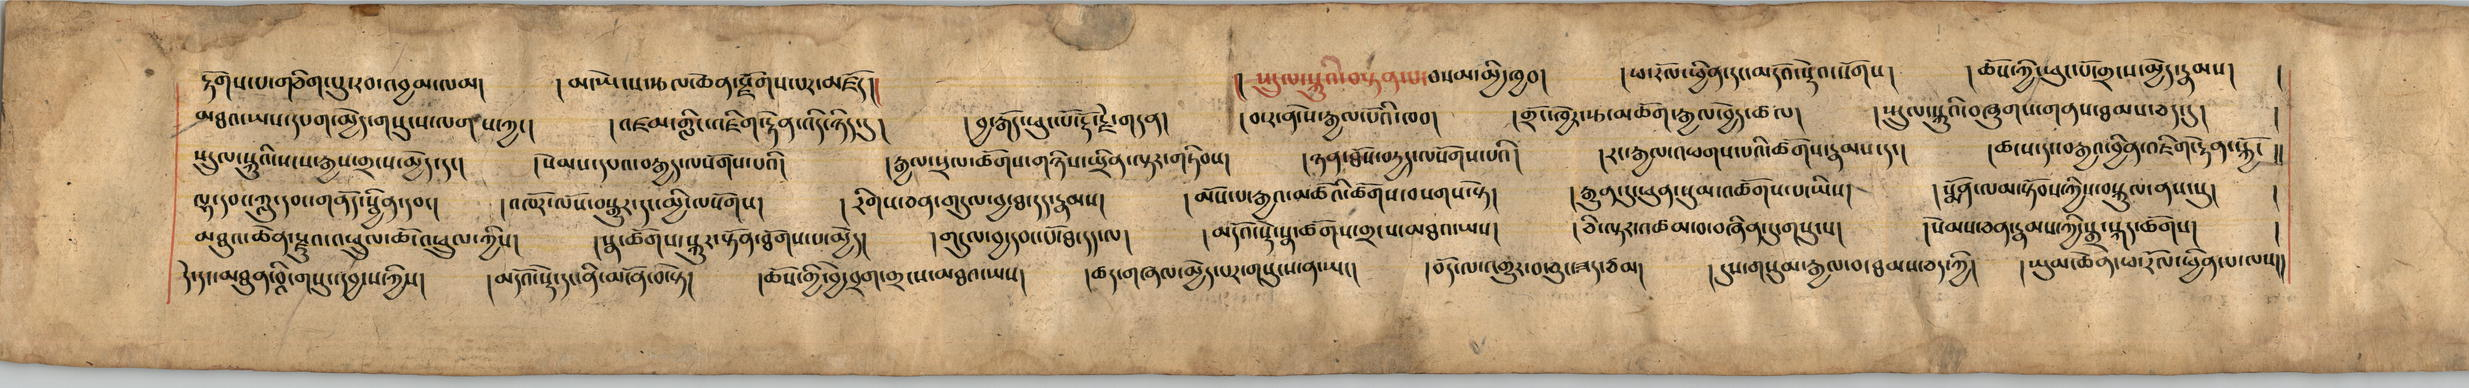རྟོགས་པ་གཅིག་པུ་རབ་འབྱམ་ལམ། །མ་ཡེངས་རྩལ་ཆེན་སྫོགས་པར་མཛོད།། །། སྤྲུལ་སྐུའི་བསྟན་པ་བསམ་མྱི་ཁྱབ། །ཕ་རོལ་ཕྱིན་དང་མདོའ་སྡེའ་སོགས། །ཆོས་ཀྱི་ཕུང་པོ་གྲངས་མྱེད་རྣམས།
མཐའ་ཡས་དཔག་མྱེད་གསུངས་ལགས་ཀྱང། །འཛམ་གླིང་འཇིག་རྟེན་འདི་ཉིད་དུ། །བྱ་རྒོད་ཕུང་པོ་རྡོ་རྗེ་གདན། །བ་ར་ན་སེ་རྒྱལ་པོའི་ཁབ། །གྲོང་ཁྱེར་རྩ་མཆོག་རྒྱལ་བྱེད་ཚལ། །སྤྲུལ་སྐུའི་བཞུགས་གནས་ཐམས་ཅད་དུ།
སྤྲུལ་སྐུའི་སངས་རྒྱས་གྲངས་མྱེད་དང། །སེམས་དཔའ་བརྒྱད་ལསོགས་པའི། །རྒྱལ་སྲལ་ཚོགས་གཉིས་སྤྲིན་ལྟར་གཏིབས། །ཉན་ཐོས་བརྱད་ལསོགས་པའི། །རང་རྒཡལ་འཕགས་པའི་ཚོགས་རྣམས་དང། །ཚངས་དང་བརྒྱའ་བྱིན་འཇིག་རྟེན་སྐྱོང །།
ལྷ་དབང་ཀླུ་དབང་གནོད་སྦྱིན་དབང། །འཁོར་ལོས་བསྒྱུར་དང་མྱི་ལསོགས། །རིག་ཅན་གདུལ་བྱ་ཐ་དད་རྣམས། །མོས་པ་རྒྱའ་མཚོའི་ཚོགས་བསགས་སྟེ། །རྒྱུན་དུ་ཕུན་སུམ་འཚོགས་པ་ཡིས། །སྨོན་ལམ་སྟོབས་ཀྱིས་བསྐུལ་ནས་སུ།
མཐུའ་ཆེན་སྫུའ་འཕྲུལ་ཀྱིས། སྣ་ཚོགས་སྐུར་སྟོན་ཐོགས་པ་མྱེད། །གདུལ་བྱ་དབང་པོ་ཐ་དད་ལ། །མདོའ་སྡེ་སྣ་ཚོགས་གྲངས་མཐའ་ཡས། །ཅི་ལྟར་འཚམ་བ་བཞིན་དུ་གསུངས། །སེམས་ཅན་རྣམས་ཀྱི་སྒྲ་སྐད་ཚོགས།
དེ་དང་མཐུན་བི་གསུང་དབྱངས་ཀྱིས། །མདོའ་སྡེ་དང་ནི་མངོན་བ་སྟེ། །ཆོས་གྱི་བྱེ་བྲག་གྲངས་མཐའ་ཡས། །ཚད་གཞལ་མྱེད་པར་གསུངས་ན་ཡང། །བོད་ལ་འགྱུར་བ་ཅུང་ཟད་ཙམ། །དུས་གསུམ་རྒྱལ་བ་ཐམས་ཅད་ཀྱི། །ཡུམ་ཆེན་ཕ་རོལ་ཕྱིན་པ་ལས།།